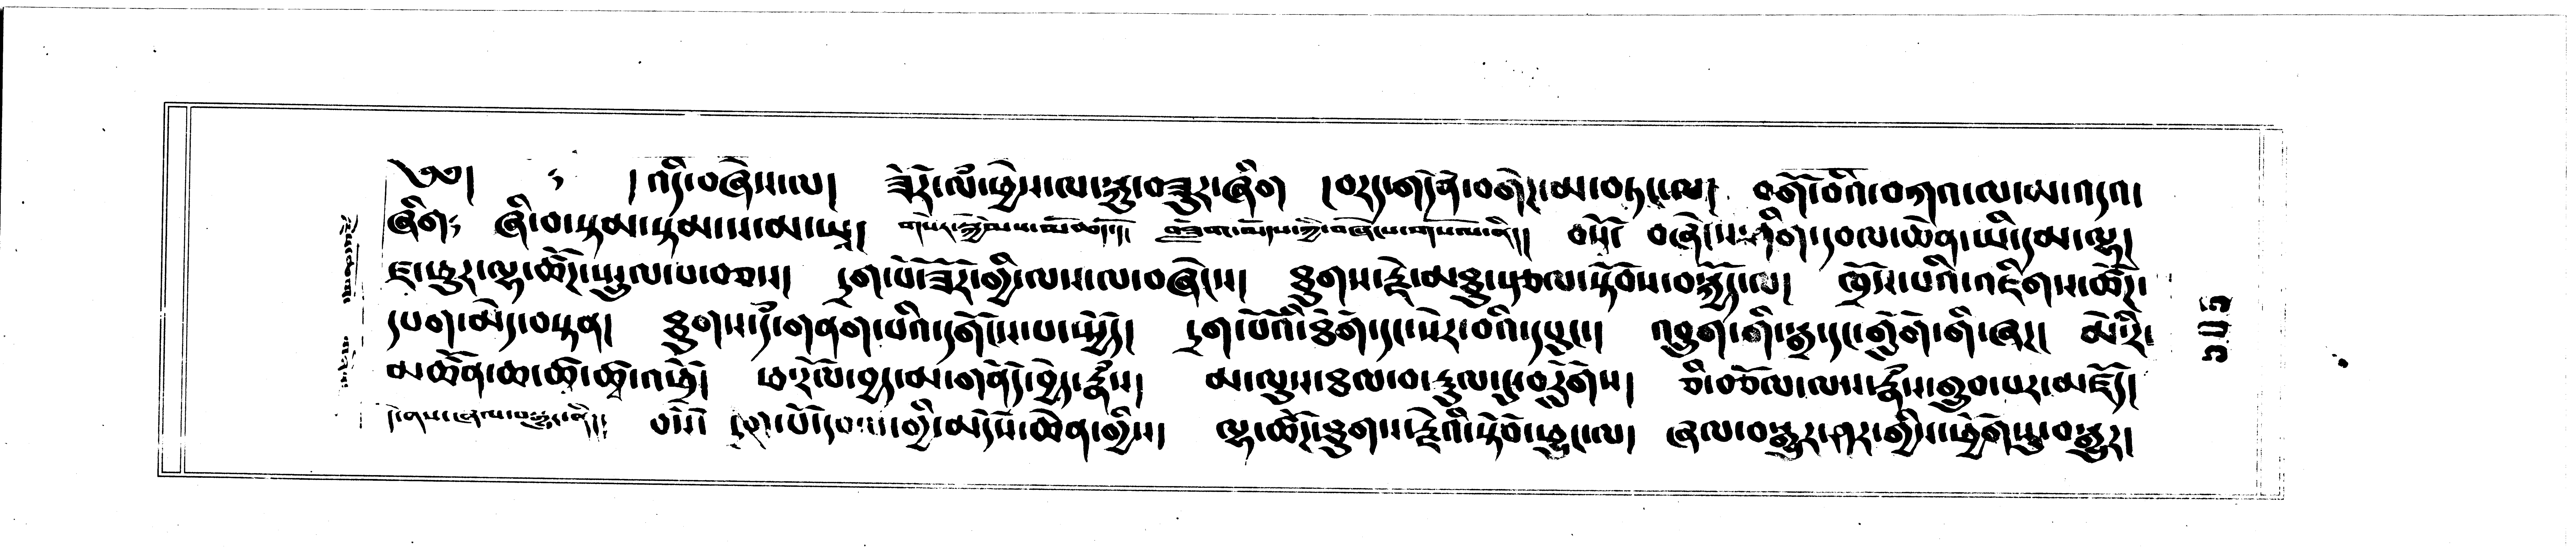༄༅།།འདི་བཞེས་ལ།ཟོར་ལམ་ཕྱེས་ལ་སྐུ་གཟུར་ཞིག བར་ཆད་གདོན་བགེགས་མ་བཏང་ལ། བགོ་བའི་བཀའ་ལ་མ་འདའ་
ཞིག ཞི་བ་སྟམ་སྟམ་ས་མ་ཡཱ།གསེར་སྐྱེམས་མཆོད་དོ།བཟློག་མདོས་ཀྱི་བཞེངས་གསོལ་ནི། བསྭོ། བཞེངས་ཤིག་དབལ་ཆེན་ཡི་དམ་ལྷ།
 ཛྭ་ཕུར་ལྷ་ཚོགས་སྤྲུལ་པ་བཅས། དྲག་པོ་ཟོར་གྱི་ལས་ལ་བཞེངས། ཐུགས་རྗེ་མཐུ་རྩལ་སྟོབས་བསྐྱེད་ལ། ཁྲོས་པའི་འཇིགས་ཚོགས་
དཔག་མེད་བསྟན། ཐུགས་དམ་གནག་པའི་དགོངས་པ་སྤྱོད། དྲག་པོའི་ཐོག་དང་སེར་བའི་དཔུང་། འབྲུག་གི་སྒྲ་དང་གློག་གི་ཞགས། མེ་རི་
མཚོན་ཆ་ཚྭ་ཚྭ་འཕྲོ། ཕ་རོལ་བྱད་མ་གནོད་བྱེད་རྣམས། མ་ལུས་ཐལ་བ་རྡུལ་དུ་བརློགས། ཅི་བཅོལ་ལས་རྣམས་གྲུབ་པར་མཛོད། 
དེ་ནས་ཞལ་བསྒྱུར་ནི།། བསྭོ། དྲག་པོ་དབལ་གྱི་མདོས་ཆེན་གྱིས། ལྷ་ཚོགས་ཐུགས་རྗེའི་སྟོབས་ཕྱུང་ལ། ཞལ་བསྒྱུར་ཤར་གྱིས་ཕྱོགས་སུ་བསྒྱུར།